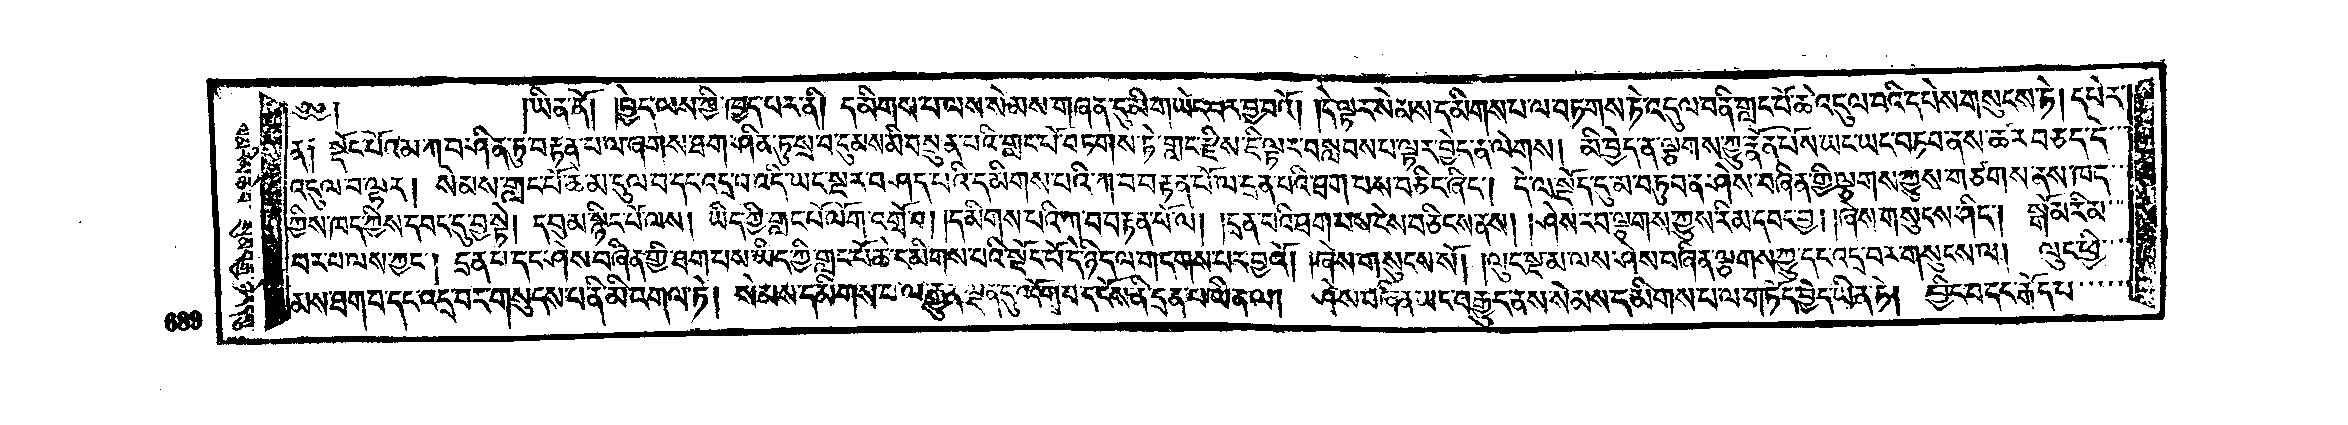༄༅། །ཡིན་ནོ། །བྱེད་ལས་ཀྱི་ཁྱད་པར་ནི། དམིགས་པ་ལས་སེམས་གཞན་དུ་མི་གཡེང་བར་བྱ་བའོ། །དེ་ལྟར་སེམས་དམིགས་པ་ལ་བཏགས་ཏེ་འདུལ་བ་ནི་གླང་པོ་ཆེ་འདུལ་བའི་དཔེས་གསུངས་ཏེ། དཔེར་
ན༑ སྡོང་པོའམ་ཀ་བ་ཤིན་ཏུ་བརྟན་པ་ལ་ཞགས་ཐག་ཤིན་ཏུ་སྲ་བ་དུ་མས་མི་བསྲུན་པའི་གླང་པོ་བཏགས་ཏེ་གླང་རྫིས་ཇི་ལྟར་བསླབས་པ་ལྟར་བྱེད་ན་ལེགས། མི་བྱེད་ན་ལྕགས་ཀྱུ་རྣོན་པོས་ཡང་ཡང་བཏབ་ནས་ཚར་བཅད་དེ་
འདུལ་བ་ལྟར། སེམས་གླང་པོ་ཆེ་མ་དུལ་བ་དང་འདྲ་བ་འདི་ཡང་སྔར་བཤད་པའི་དམིགས་པའི་ཀ་བ་བརྟན་པོ་ལ་དྲན་པའི་ཐག་པས་བཅིང་ཞིང་། དེ་ལ་སྡོད་དུ་མ་བཏུབ་ན་ཤེས་བཞིན་གྱི་ལྕགས་ཀྱུས་གཙགས་ནས་ཁད་
ཀྱིས་ཁད་ཀྱིས་དབང་དུ་བྱ་སྟེ། དབུ་མ་སྙིང་པོ་ལས། ཡིད་ཀྱི་གླང་པོ་ལོག་འགྲོ་བ། །དམིགས་པའི་ཀ་བ་བརྟན་པོ་ལ། །དྲན་པའི་ཐག་པས་ངེས་བཅིངས་ནས། །ཤེས་རབ་ལྕགས་ཀྱུས་རིམ་དབང་བྱ། །ཞེས་གསུངས་ཤིང་། སྒོམ་རིམ་
བར་པ་ལས་ཀྱང་། དྲན་པ་དང་ཤེས་བཞིན་གྱི་ཐག་པས་ཡིད་ཀྱི་གླང་པོ་ཆེ་དམིགས་པའི་སྡོང་པོ་དེ་ཉིད་ལ་གདགས་པར་བྱའོ། །ཞེས་གསུངས་སོ། །ལུང་སྔ་མ་ལས་ཤེས་བཞིན་ལྕགས་ཀྱུ་དང་འདྲ་བར་གསུངས་ལ། ལུང་ཕྱི་
མས་ཐག་པ་དང་འདྲ་བར་གསུངས་པ་ནི་མི་འགལ་ཏེ། སེམས་དམིགས་པ་ལ་རྒྱུན་ལྡན་དུ་འདོགས་པ་དངོས་ནི་དྲན་པ་ཡིན་ལ། ཤེས་བཞིན་ཡང་བརྒྱུད་ནས་སེམས་དམིགས་པ་ལ་གཏོད་བྱེད་ཡིན་ཏེ། བྱིང་བ་དང་རྒོད་པ་